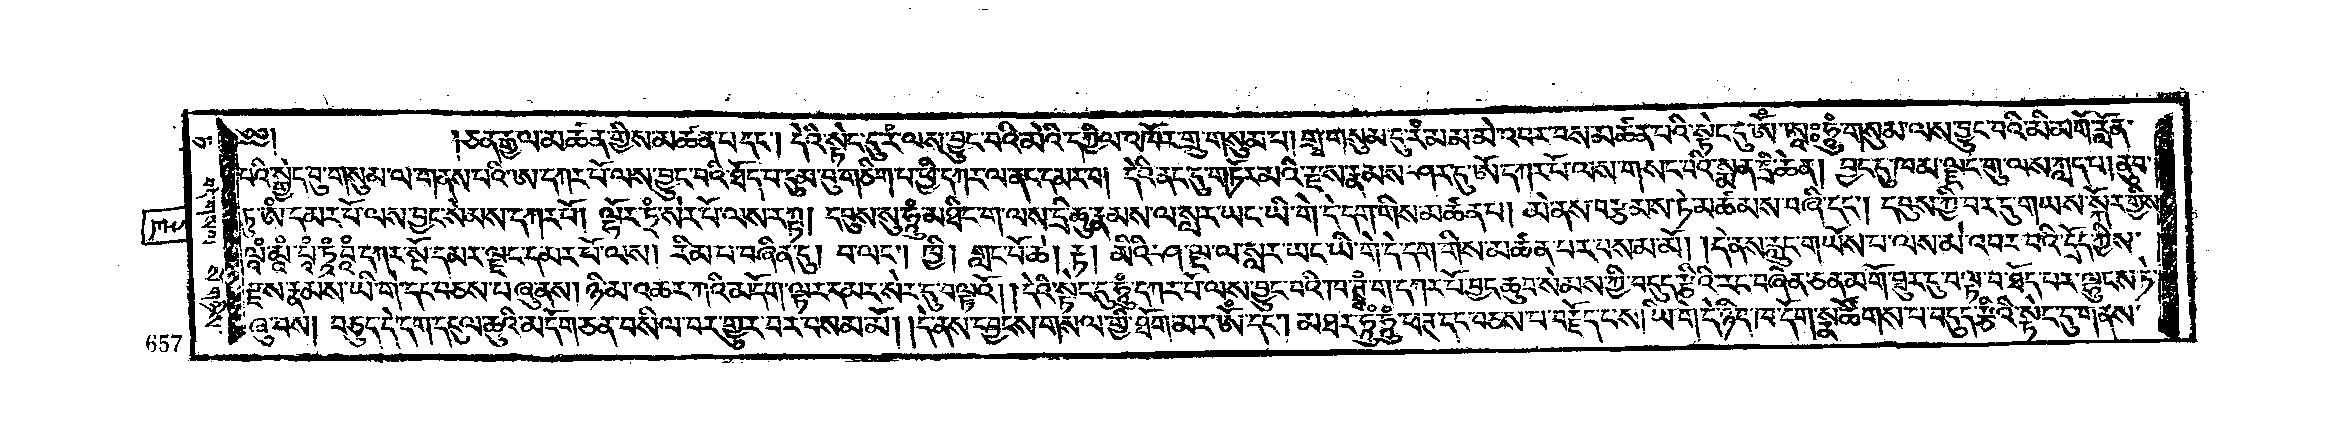༄༅། །ཅན་རྒྱལ་མཚན་གྱིས་མཚན་པ་དང་། དེའི་སྟེང་དུ་རཾ་ལས་བྱུང་བའི་མེའི་དཀྱིལ་འཁོར་གྲུ་གསུམ་པ། གྲྭ་གསུམ་དུ་རཾ་མམ་མེ་འབར་བས་མཚན་པའི་སྟེང་དུ་ཨོཾ་ཨཱཿ ཧཱུཾ་གསུམ་ལས་བྱུང་བའི་མི་མགོ་རློན་
པའི་སྒྱེད་བུ་གསུམ་ལ་གནས་པའི་ཨ་དཀར་པོ་ལས་བྱུང་བའི་ཐོད་པ་དུམ་བུ་གཅིག་པ་ཕྱི་དཀར་ལ་ནང་དམར་བ། དེའི་ནང་དུ་གཏོར་མའི་རྫས་རྣམས་ཤར་དུ་ཨོཾ་དཀར་པོ་ལས་གསང་བའི་སྨན་དྲི་ཆེན། བྱང་དུ་ཁམ་ལྗང་གུ་ལས་ཀླད་པ། ནུབ་
ཏུ་ཨཾ་དམར་པོ་ལས་བྱང་སེམས་དཀར་པོ། ལྷོར་ཏྲཾ་སེར་པོ་ལས་རཀྟ། དབུས་སུ་ཧཱུཾ་མཐིང་ག་ལས་དྲི་ཆུ་རྣམས་ལ་སླར་ཡང་ཡི་གེ་དེ་དག་གིས་མཚན་པ། མེ་ནས་བརྩམས་ཏེ་མཚམས་བཞི་དང་། དབུས་ཀྱི་བར་དུ་གཡས་སྐོར་གྱིས་
ལཱཾ་མཱཾ་པཱཾ་ཏཱཾ་བཱཾ་དཀར་སྔོ་དམར་ལྗང་དམར་པོ་ལས། རིམ་པ་བཞིན་དུ། བ་ལང་། ཁྱི། གླང་པོ་ཆེ། རྟ། མིའི་ཤ་ལྔ་ལ་སླར་ཡང་ཡི་གེ་དེ་དག་གིས་མཚན་པར་བསམ་མོ། །ད་ནས་རླུང་གཡོས་པ་ལས་མེ་འབར་བའི་དྲོད་ཀྱིས་
རྫས་རྣམས་ཡི་གེ་དང་བཅས་པ་ཞུ་ནས། ཉི་མ་འཆར་ཀའི་མདོག་ལྟར་དམར་སེར་དུ་བལྟའོ། །དེའི་སྟེང་དུ་ཧཱུཾ་དཀར་པོ་ལས་བྱུང་བའི་ཁ་ཊྭཱཾ་ག་དཀར་པོ་བྱང་ཆུབ་སེམས་ཀྱི་བདུད་རྩིའི་རང་བཞིན་ཅན་མགོ་ཐུར་དུ་བལྟ་བ་ཐོད་པར་ལྷུངས་ཏེ་
ཞུ་བས། བཅུད་དེ་དག་དངུལ་ཆུའི་མདོག་ཅན་བསིལ་བར་གྱུར་བར་བསམ་མོ། །དེ་ནས་དབྱངས་གསལ་གྱི་ཐོག་མར་ཨོཾ་དང་། མཐར་ཧཱུཾ་ཧཱུཾ་ཕཊ་དང་བཅས་པ་བརྗོད་པས། ཡི་གེ་དེ་ཉིད་ཁ་དོག་སྣ་ཚོགས་པ་བདུད་རྩིའི་སྟེང་དུ་གནས་